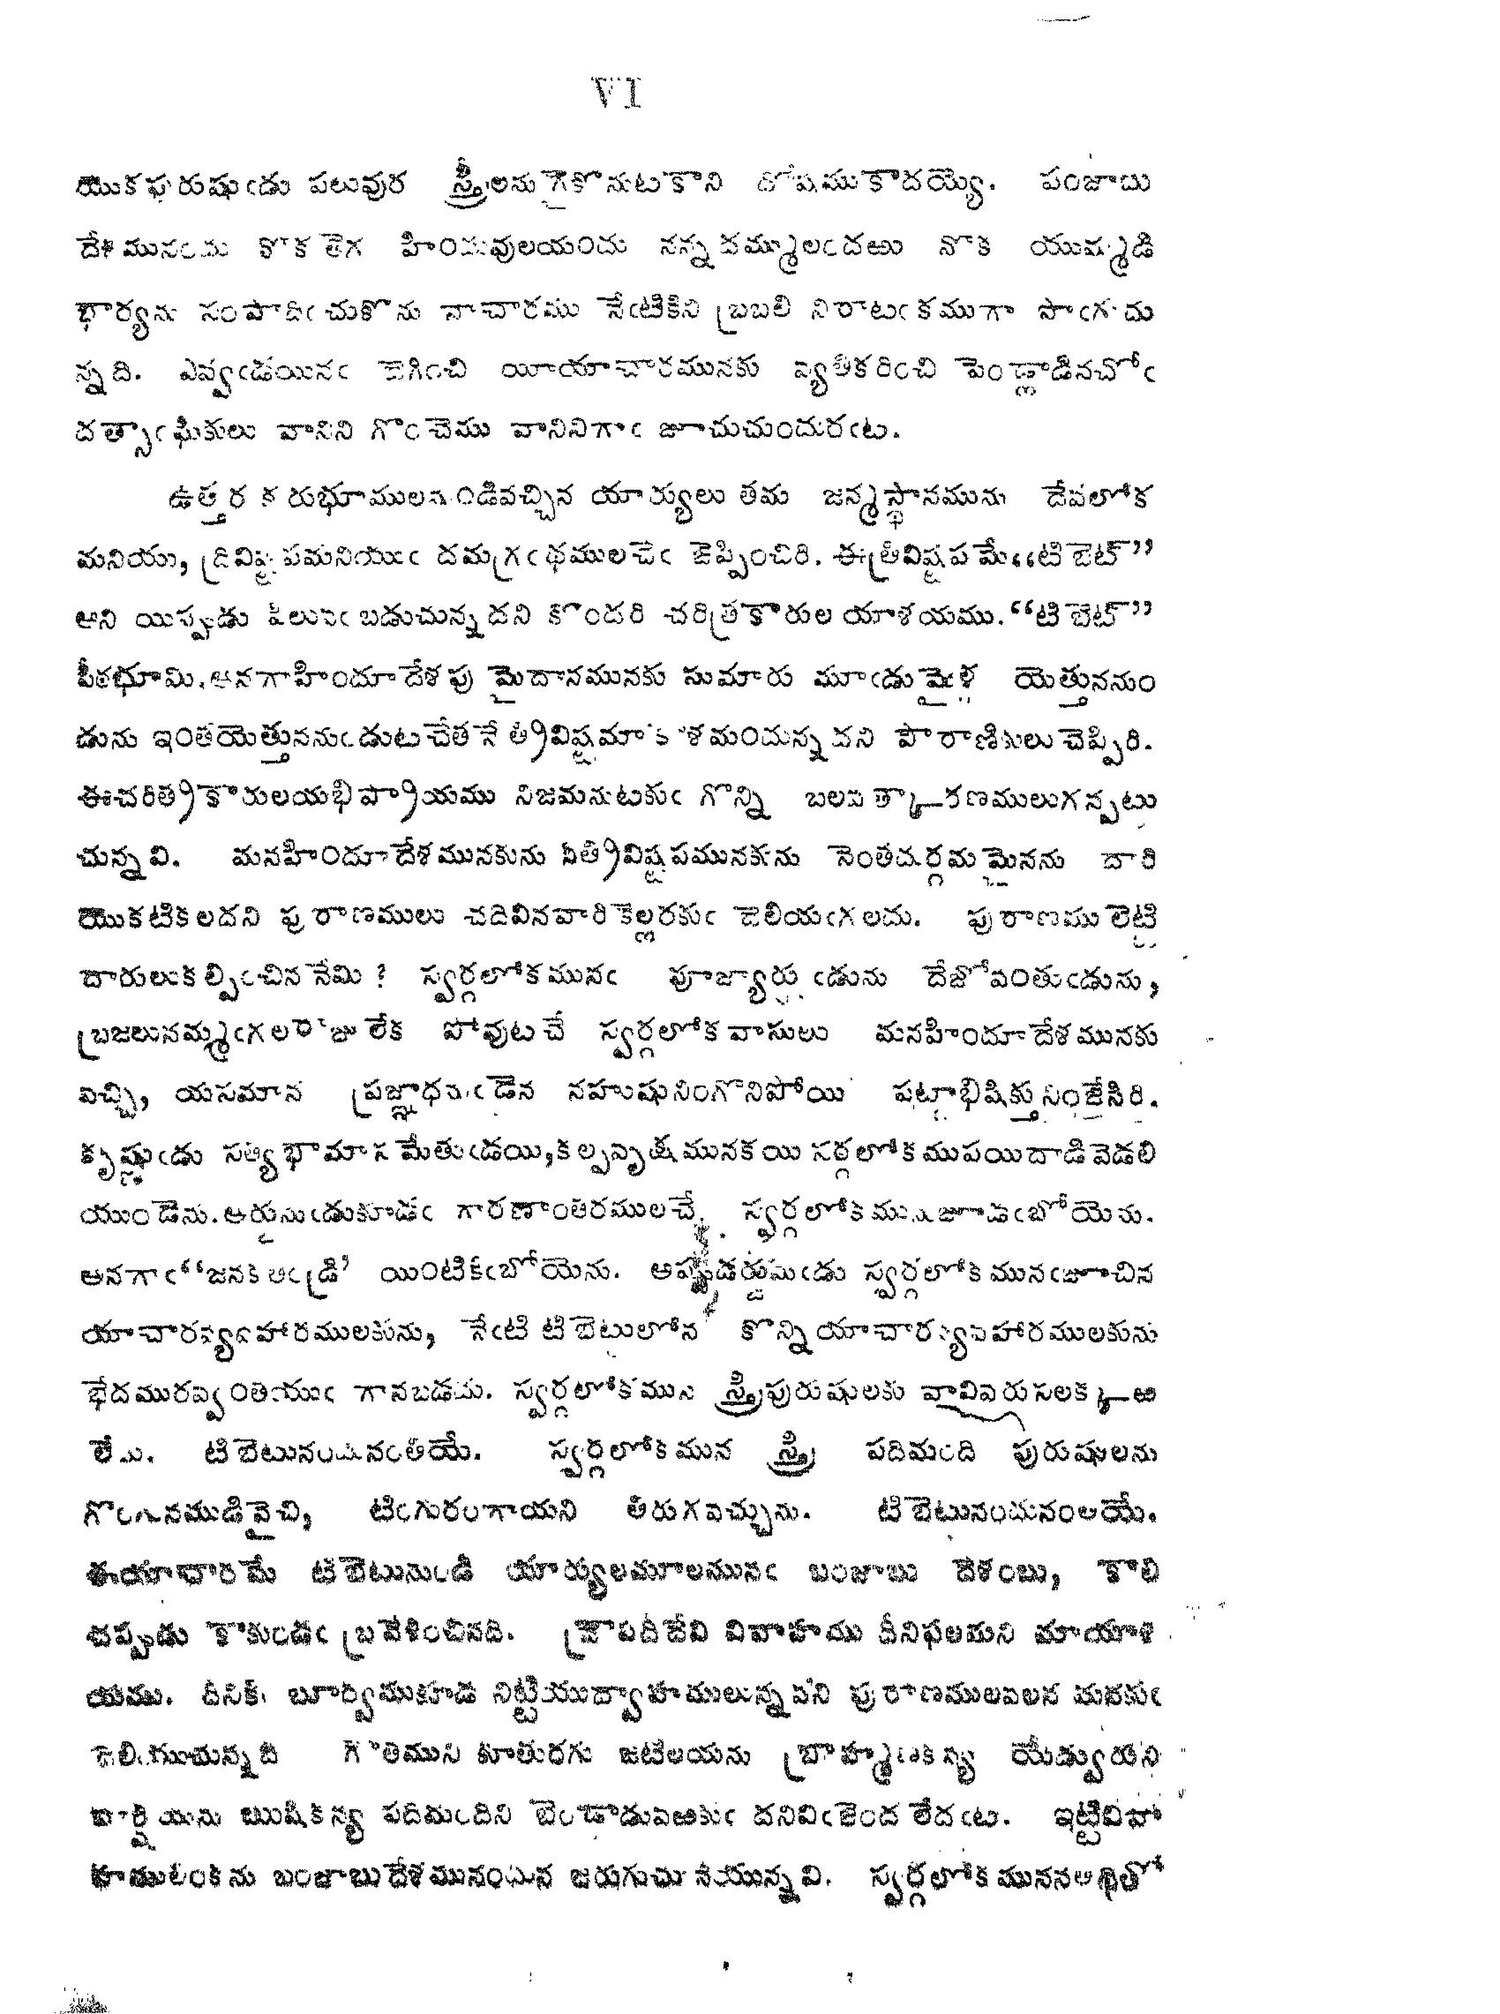యొక ఫరుషుఁడు పలువుర స్త్రీలను గైకొనుటకాని దోషము కాదయ్యే. పంజాబు
దేశమునందు కొక తెగ హిందువులయందు నన్న దమ్ములందఱు నొక యుమ్మడి
భార్యను సంపాదించుకొను నాచారము నేటికిని బ్రబలి నిరాటంకముగా సొఁగచు
న్నది. ఎవ్వఁడయిన తెగించి యీయాచారమునకు వ్యతీరేకించి పెండ్లాడినచోఁ
దత్సాం ఘీకులు వాని గొంచెము వానినిగా జూచుచుందురఁట.

ఉత్తర కరుభూములనుండి వచ్చిన యార్యులు తమ జన్మస్థానమును దేవలోక
మనియు, ద్రివిష్టటపమనియుఁ దమ గ్రఁ థములచేఁ జెప్పించిరి. ఈ ట్రవిష్టపమే నేటి "టిబెట్" అని యిప్పుడు పిలువబడు చున్నదని కొందరి చరిత్రకారుల యాశయము. “టిబెట్” పీఠభూమి, అనగా హిందూ దేశపు మైదానమునకు సుమారు మూఁడు మైళ్ళ యెత్తున నుండును ఇంత యెత్తున నుండుట చేతనే ఆవిష్ణమాకాశమందున్నదని పౌరాణిలు చెప్పిరి.ఈ చరిత్ర కారుల యభిప్రాయము నిజమనుటకుఁ గొన్ని బలవత్కారణము లుగన్పటు చున్నవి. మన హిందూదేశమునకును నీత్రివిష్ణపము నకును నెంత దుర్గమమైనను దారి యొకటి కలదని పురాణములు చదివిన వారి కెల్లరకుఁ దెలియఁగలదు. పురాణము లెట్టి దారులు కల్పించిన నేమి ! స్వర్గలోకమునం పూజ్యారు డును దేజోవంతుఁడును ,బ్రజలు నమ్మఁగల రాజు లేక పోవుటచే స్వర్గలోక వాసులు
మన హిందూ దేశమునకు వచ్చి యసామాన ప్రతిభావంతుడైన సహుషినిం గొంపోయి పటాభిషిక్తు నుంజేసిరి.కృష్ణుఁడు సత్య భామాసమేతుడయి, కల్పవృక్షమున కయి సర్గలోక ముపయి దాడి వెడలి యుండెను. అర్జునుడు కూడఁ గారణాంతరములచే స్వర్గలోక మునం జూడఁబోయెను. అనగా జానకి తండ్రి' యింటికీఁబోయెను. అప్పుడర్జనుడు స్వర్గలోకమునఁ జూచిన యాచార వ్యవహారములకును, నేఁటి 
టిబెటు లోన కొన్ని యాచార్యవహార భేదము రవ్వంతయుఁ గానబడదు. స్వర్గలోకమున స్త్రీ పురుషులకు వావివరుస లక్కఱలేదు. టిబెటు నంతయే.స్వర్గలోకమున స్త్రీ పదిమంది పురుషులనుగొంగున ముడి వైచి టింగు రంగ యని తిరుగవచ్చును. టిబెటు సందునంలయే, ఈయాచరమే టిబెటునుండి యార్యుల మూలమునఁ బంజాబు దేశంబు కాలి చప్పుడు కాకుండఁ బ్రవేశించినది. ద్రౌపదీ దేవి వివాహము దీనిఫలమని మాయాశయము. దీనికి బూర్వముకూడ నిట్టియుద్వాహములున్న వని పురాణముల వలన మనకు తెలియుచున్నది గౌతముని కూతురగు జటిలయను బ్రాహ్మణకన్య యేడ్వురుని - వార్షి యను ఋషి కన్య పది మందిని బెండ్లాడు వరకు దనివిఁ జెంద లేదట. ఇట్టివివా
హములింకను బంజాబు దేశ మునంఘన జరుగుచునే యున్నవి. స్వర్గలోకమున నలధితో